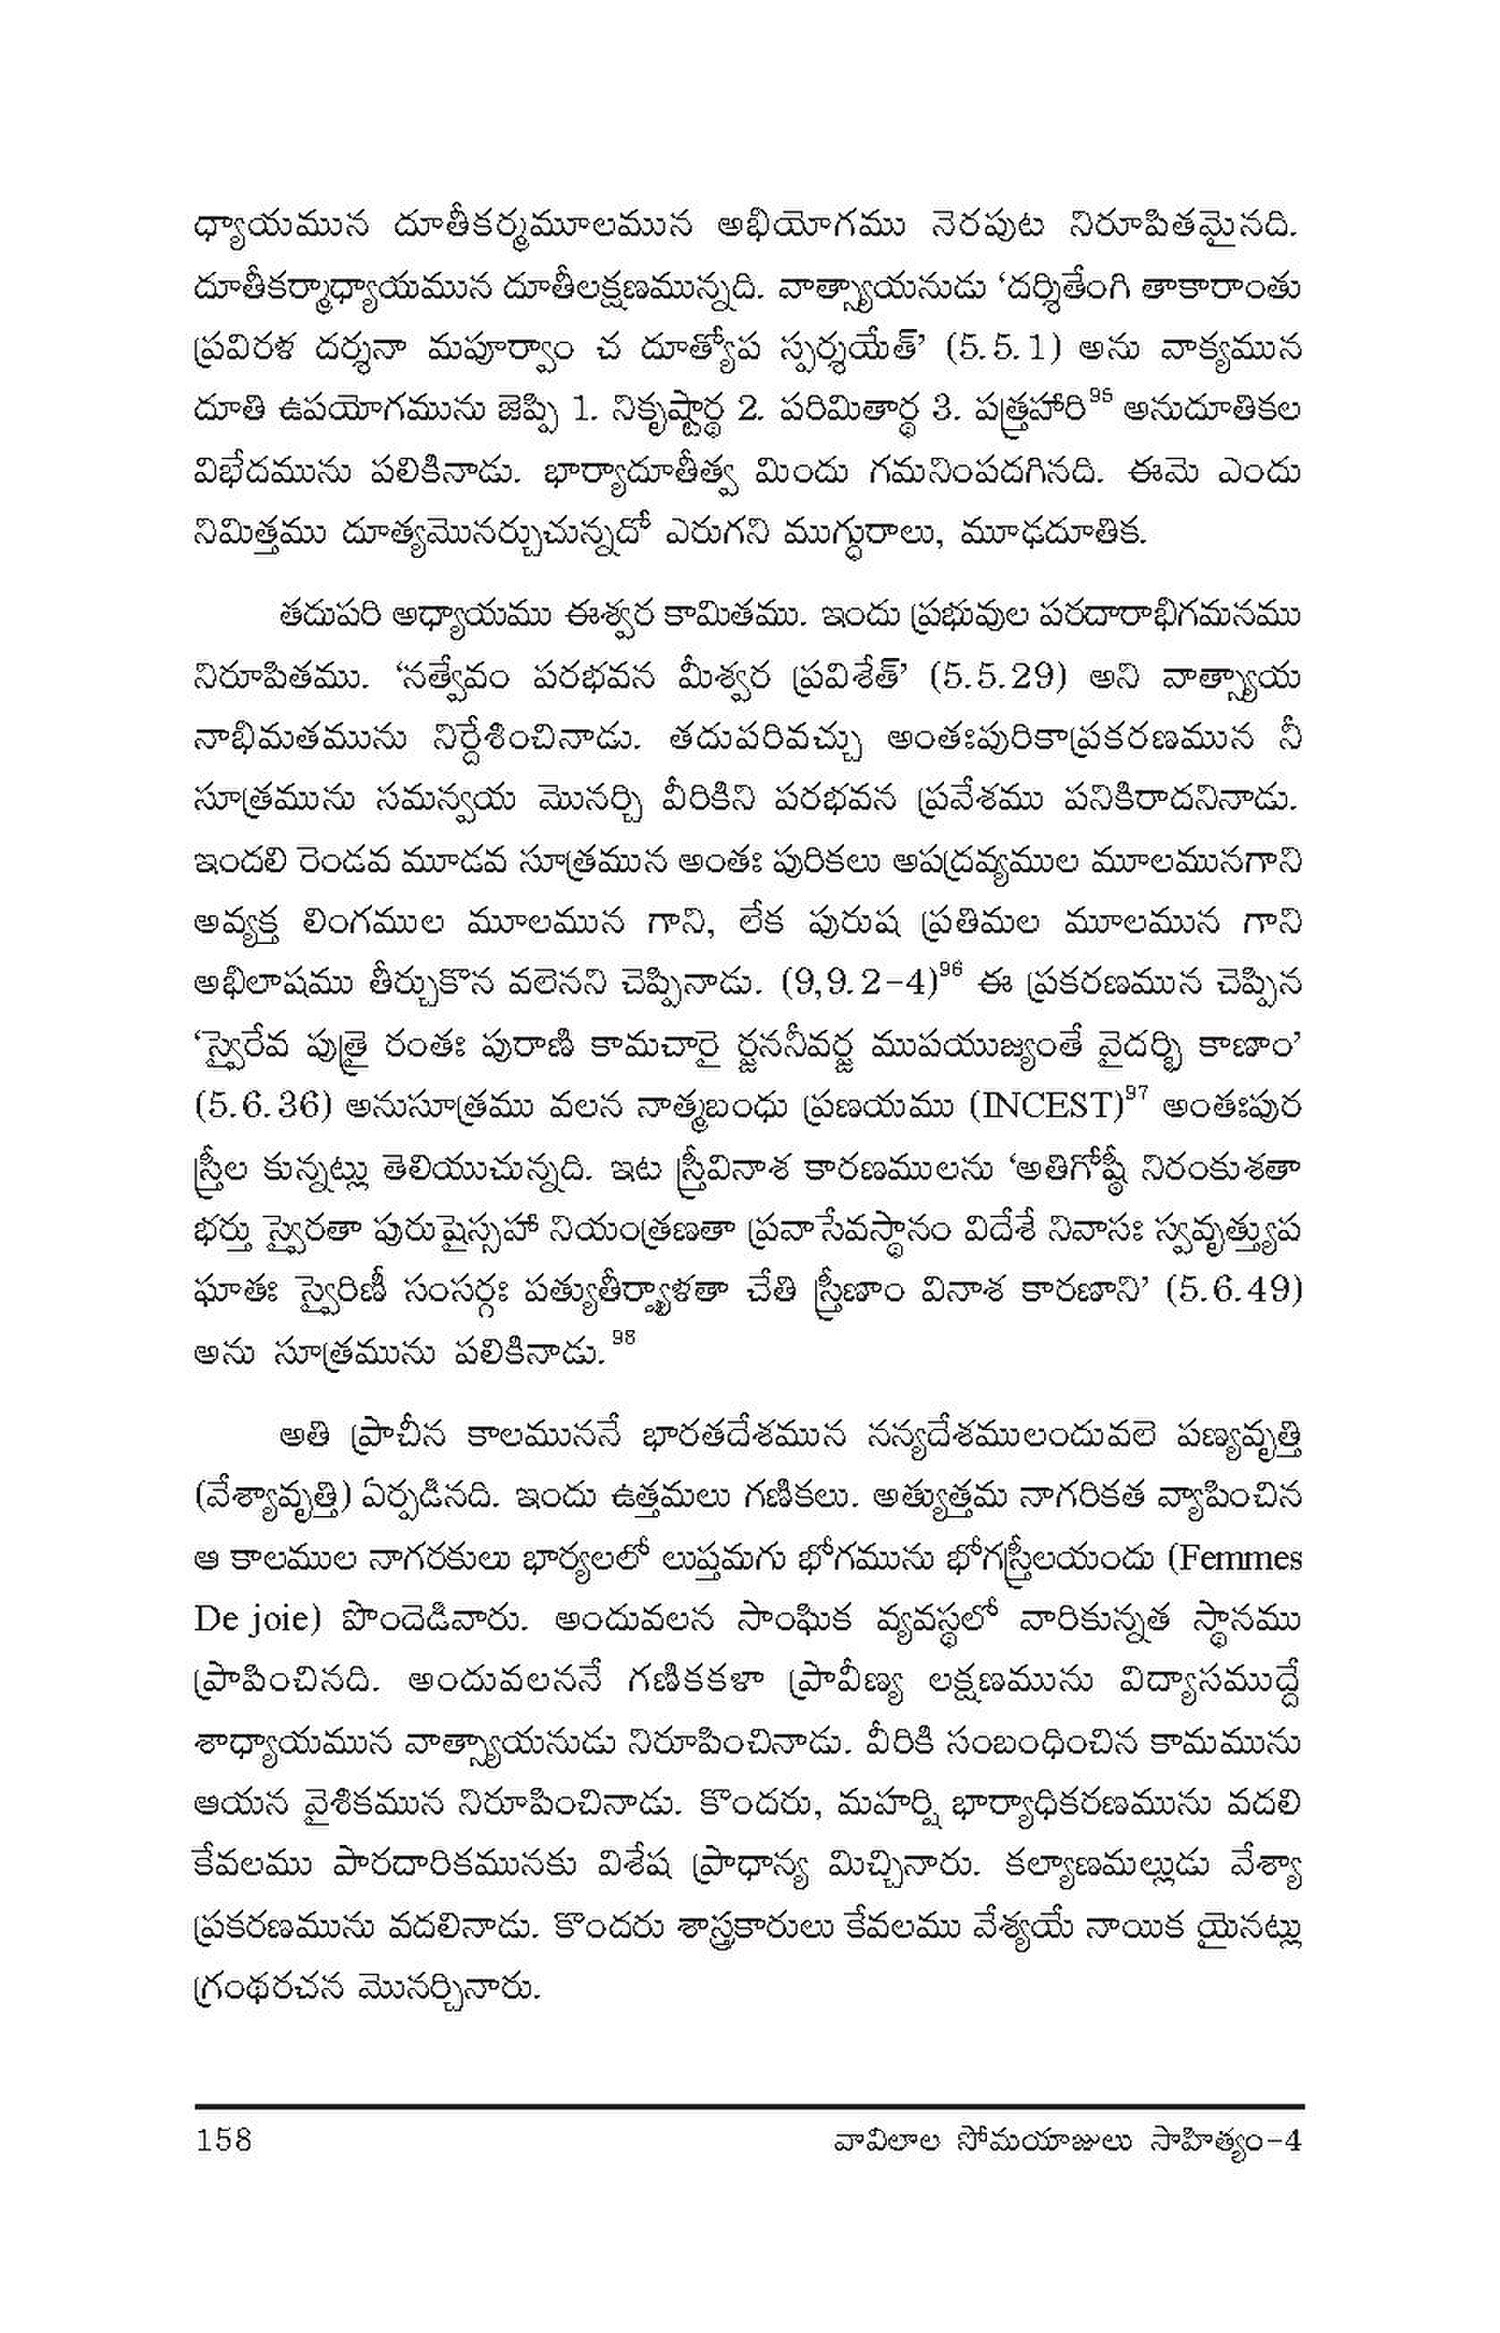ధ్యాయమున దూతీకర్మమూలమున అభియోగము నెరపుట నిరూపితమైనది.
దూతీకర్మాధ్యాయమున దూతీలక్షణమున్నది. వాత్స్యాయనుడు 'దర్శితేంగి తాకారాంతు
ప్రవిరళ దర్శనా మపూర్వాం చ దూత్యోప స్పర్శయేత్' (5.5.1) అను వాక్యమున
దూతి ఉపయోగమును జెప్పి 1. నికృష్ణార్థ 2. పరిమితార్థ 3. పత్రహారి అనుదూతికల
విభేదమును పలికినాడు. భార్యాదూతీత్వ మిందు గమనింపదగినది. ఈమె ఎందు
నిమిత్తము దూత్యమొనర్చుచున్నదో ఎరుగని ముగ్ధురాలు, మూఢదూతిక.

తదుపరి అధ్యాయము ఈశ్వర కామితము. ఇందు ప్రభువుల పరదారాభిగమనము
నిరూపితము. 'సత్వేవం పరభవన మీశ్వర ప్రవిశేత్' (5.5.29) అని వాత్స్యాయ
నాభిమతమును నిర్దేశించినాడు. తదుపరివచ్చు అంతఃపురికాప్రకరణమున నీ
సూత్రమును సమన్వయ మొనర్చి వీరికిని పరభవన ప్రవేశము పనికిరాదనినాడు.
ఇందలి రెండవ మూడవ సూత్రమున అంతః పురికలు అపద్రవ్యముల మూలమునగాని
అవ్యక్త లింగముల మూలమున గాని, లేక పురుష ప్రతిమల మూలమున గాని
అభిలాషము తీర్చుకొన వలెనని చెప్పినాడు. (9,9.2-4) ఈ ప్రకరణమున చెప్పిన
'స్వైరేవ పుత్రై రంతః పురాణి కామచారై ర్జననీవర్ణ ముపయుజ్యంతే వైదర్భి కాణాం’
(5.6.36) అనుసూత్రము వలన నాత్మబంధు ప్రణయము (INCEST) అంతఃపుర
స్త్రీల కున్నట్లు తెలియుచున్నది. ఇట స్త్రీవినాశ కారణములను 'అతిగోష్ఠీ నిరంకుశతా
భర్తు స్వైరతా పురుషైస్సహా నియంత్రణతా ప్రవాసేవస్థానం విదేశే నివాసః స్వవృత్త్యుప
ఘాతః స్వైరిణీ సంసర్గః పత్యుతీర్యాళతా చేతి స్త్రీణాం వినాశ కారణాని' (5.6.49)
అను సూత్రమును పలికినాడు.

అతి ప్రాచీన కాలముననే భారతదేశమున నన్యదేశములందువలె పణ్యవృత్తి
(వేశ్యావృత్తి) ఏర్పడినది. ఇందు ఉత్తమలు గణికలు. అత్యుత్తమ నాగరికత వ్యాపించిన
ఆ కాలముల నాగరకులు భార్యలలో లుప్తమగు భోగమును భోగస్త్రీలయందు (Femmes
De joie) పొందెడివారు. అందువలన సాంఘిక వ్యవస్థలో వారికున్నత స్థానము
ప్రాపించినది. అందువలననే గణికకళా ప్రావీణ్య లక్షణమును విద్యాసముద్దే
శాధ్యాయమున వాత్స్యాయనుడు నిరూపించినాడు. వీరికి సంబంధించిన కామమును
ఆయన వైశికమున నిరూపించినాడు. కొందరు, మహర్షి భార్యాధికరణమును వదలి
కేవలము పారదారికమునకు విశేష ప్రాధాన్య మిచ్చినారు. కల్యాణమల్లుడు వేశ్యా
ప్రకరణమును వదలినాడు. కొందరు శాస్త్రకారులు కేవలము వేశ్యయే నాయిక యైనట్లు
గ్రంథరచన మొనర్చినారు.